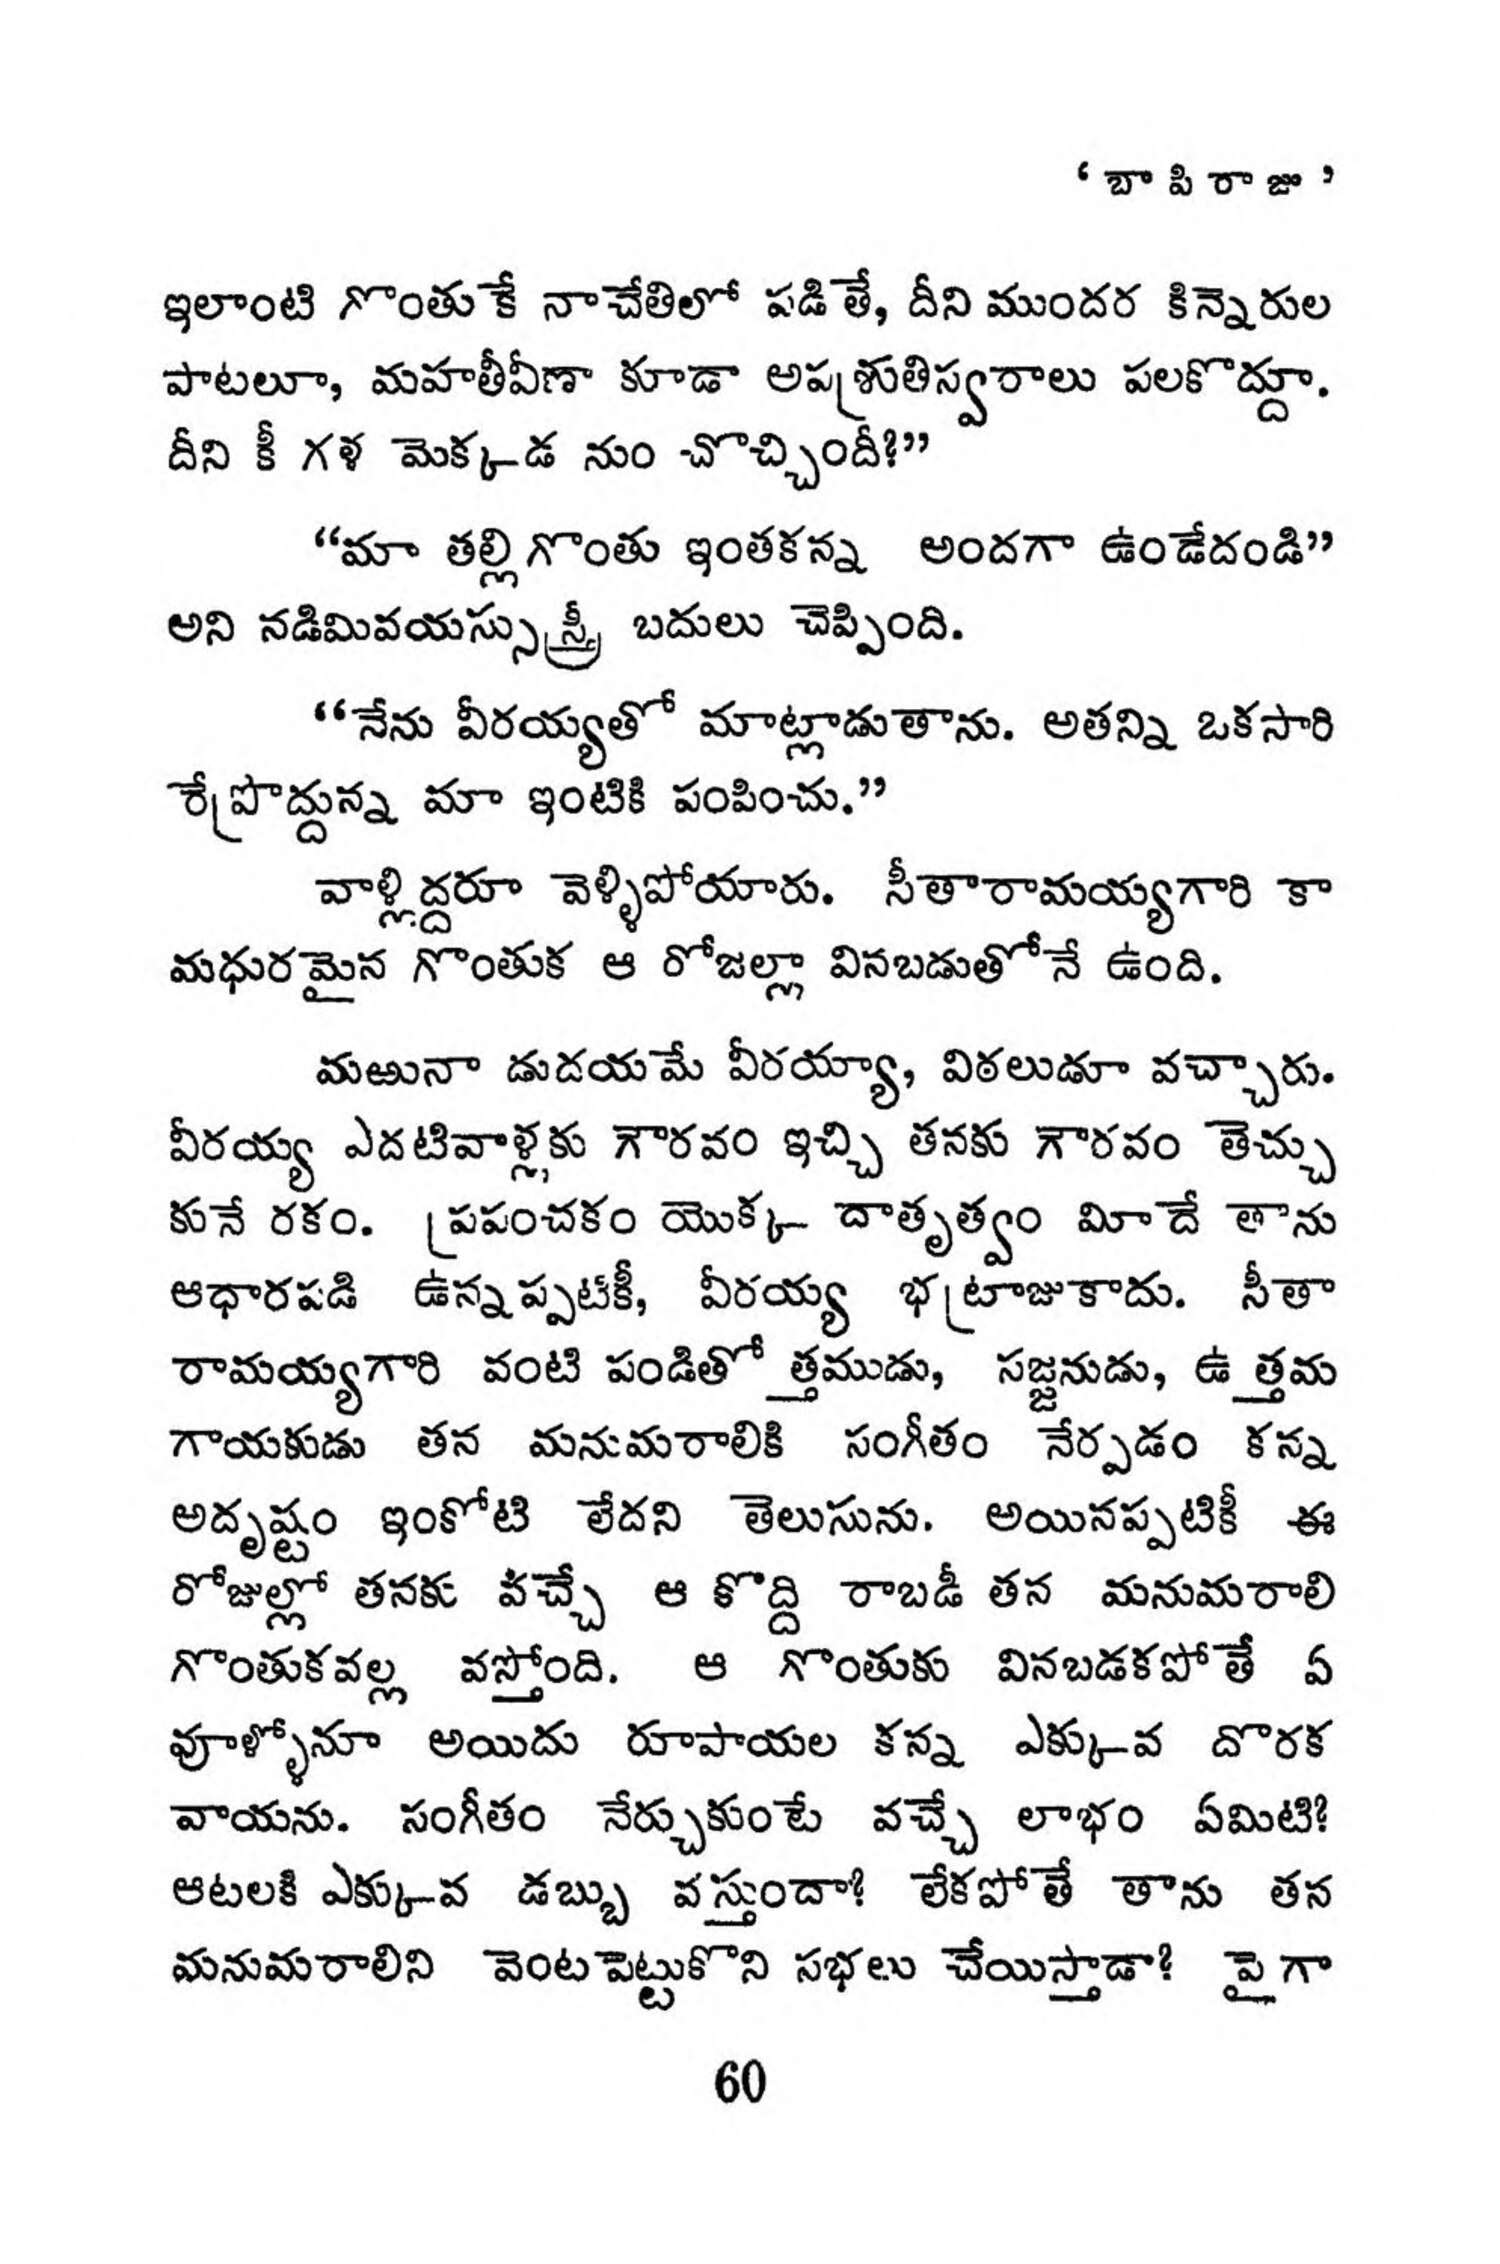ఇలాంటి గొంతుకే నాచేతిలో పడితే, దీని ముందర కిన్నెరుల పాటలూ, మహతీవీణా కూడా అపశ్రుతిస్వరాలు పలకొద్దూ. దీని కీ గళ మెక్కడ నుం చొచ్చిందీ?"

"మా తల్లి గొంతు ఇంతకన్న అందగా ఉండేదండి" అని నడిమివయస్సుస్త్రీ బదులు చెప్పింది.

"నేను వీరయ్యతో మాట్లాడుతాను. అతన్ని ఒకసారి రేప్రొద్దున్న మా ఇంటికి పంపించు."

వాళ్లిద్దరూ వెళ్ళిపోయారు. సీతారామయ్యగారి కా మధురమైన గొంతుక ఆ రోజల్లా వినబడుతోనే ఉంది.

మఱునా డుదయమే వీరయ్యా, విఠలుడూ వచ్చారు. వీరయ్య ఎదటివాళ్లకు గౌరవం ఇచ్చి తనకు గౌరవం తెచ్చుకునే రకం. ప్రపంచకం యొక్క దాతృత్వం మీదే తాను ఆధారపడి ఉన్నప్పటికీ, వీరయ్య భట్రాజుకాదు. సీతారామయ్యగారి వంటి పండితోత్తముడు, సజ్జనుడు, ఉత్తమ గాయకుడు తన మనమరాలికి సంగీతం నేర్పడం కన్న అదృష్టం ఇంకోటి లేదని తెలుసును. అయినప్పటికీ ఈ రోజుల్లో తనకు వచ్చే ఆ కొద్ది రాబడీ తన మనుమరాలి గొంతుకవల్ల వస్తోంది. ఆ గొంతుకు వినబడకపోతే ఏ వూళ్ళోనూ అయిదు రూపాయల కన్న ఎక్కువ దొరకవాయను. సంగీతం నేర్చుకుంటే వచ్చే లాభం ఏమిటి? ఆటలకి ఎక్కువ డబ్బు వస్తుందా? లేకపోతే తాను తన మనుమరాలిని వెంటపెట్టుకొని సభలు చేయిస్తాడా? పైగా